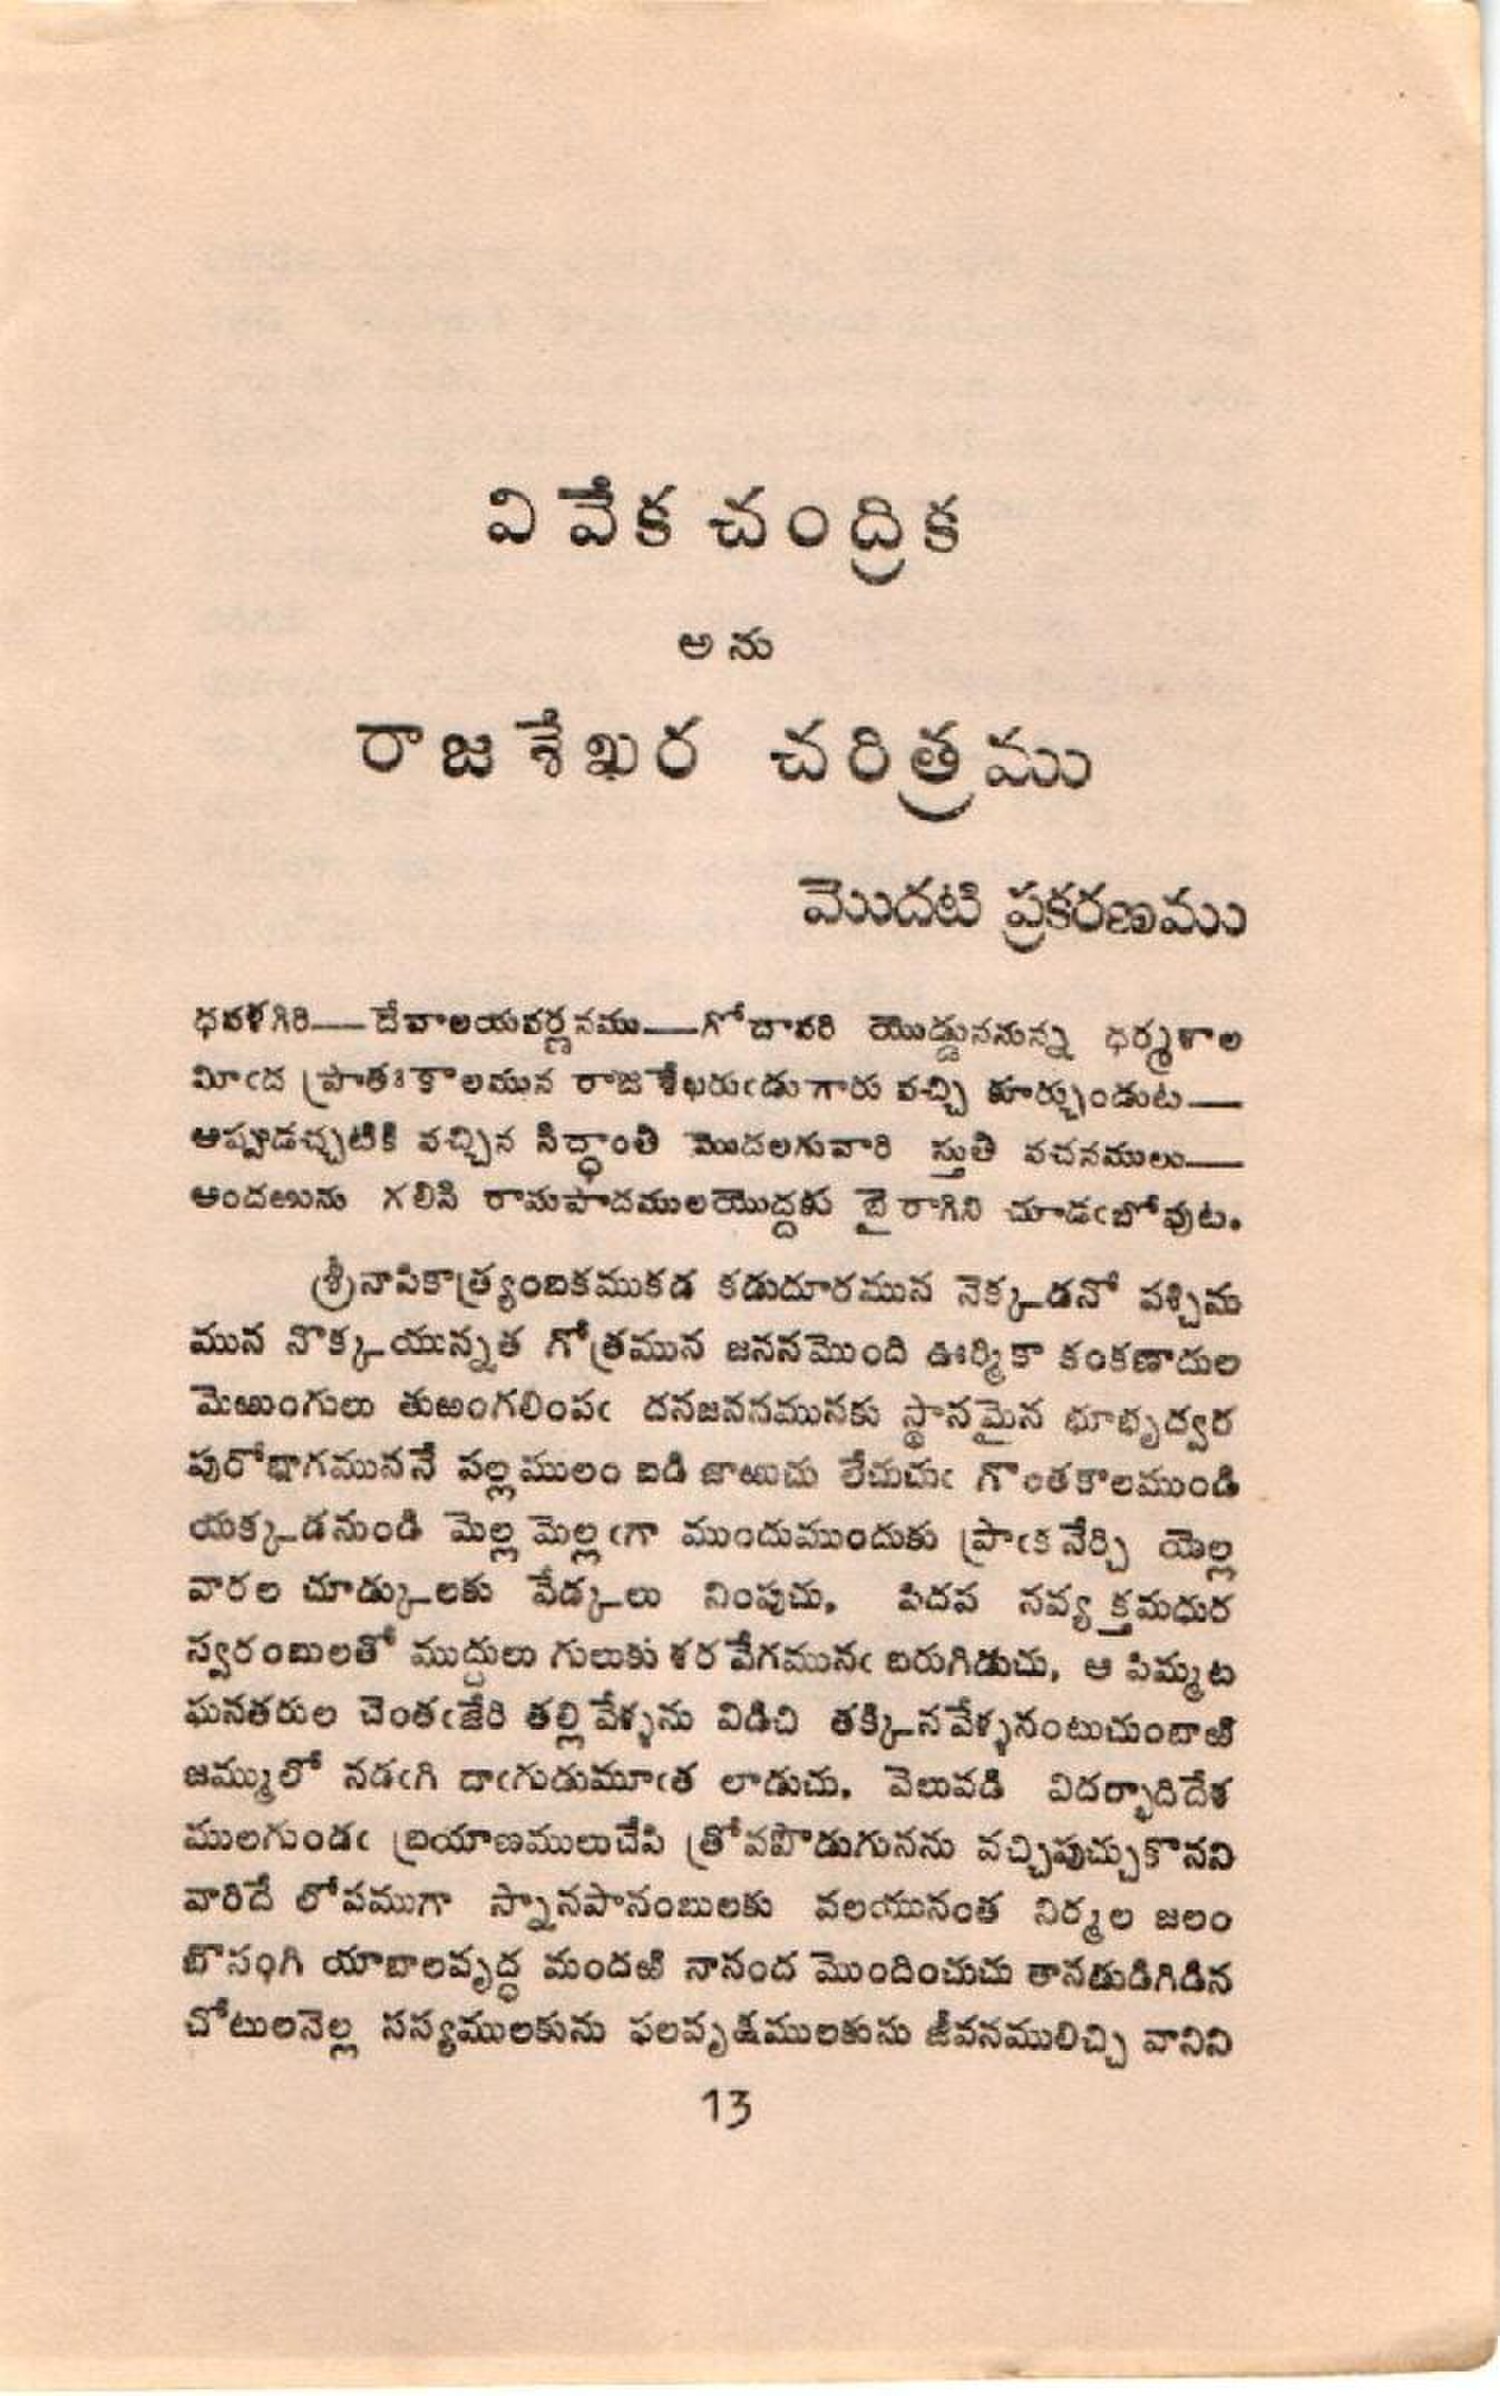వివేక చంద్రిక

అను

రాజశేఖర చరిత్రము

వెుదటి ప్రకరణము

శ్రీ నాసికాత్య్రంబకముకడ కడుదూరమున నెక్కడనో పశ్చిమమున నొక్కయున్నతగోత్రమున జననమొంది ఊర్మికా కంకణాదుల మెఱుంగులు తుఱంగలింపఁ దనజననమునకు స్థానమైన భూభృద్వర పురోభాగముననే పల్లములంబడి జాఱుచూ లేచుచుఁ గొంతకాలముండి యక్కడినుండి మెల్లమెల్లఁగా ముందుముందుకు ప్రాఁకనేర్చి యెల్లవారల చూడ్కులకు వేడ్కలు నింపుచు, పిదప నవ్యక్తమధురస్వరంబులతో ముద్దులు గులుకు శరవేగమునఁ బరుగిడుచు, ఆ పిమ్మట ఘనతరుల చెంతఁజేరి తల్లివేళ్ళను విడిచి తక్కినవేళ్ళనంటుచుబాఱి జమ్ములో నడఁగి దాఁగుడుమూఁత లాడుచు, వెలువడి విదర్భాదిదేశములగుండఁ బ్రయాణములుచేసి త్రోవపొడుగునను వచ్చిపుచ్చుకొననివారిదే లోపముగా స్నానపానంబులకు వలయునంత నిర్మల జలం బొసంగి యాబాల వృద్ధ మందఱి నానంద మొందించుచు తానడుగిడిన చోటులనెల్ల సస్యములకును ఫలవృక్షములకును జీవనములిచ్చి వానిని